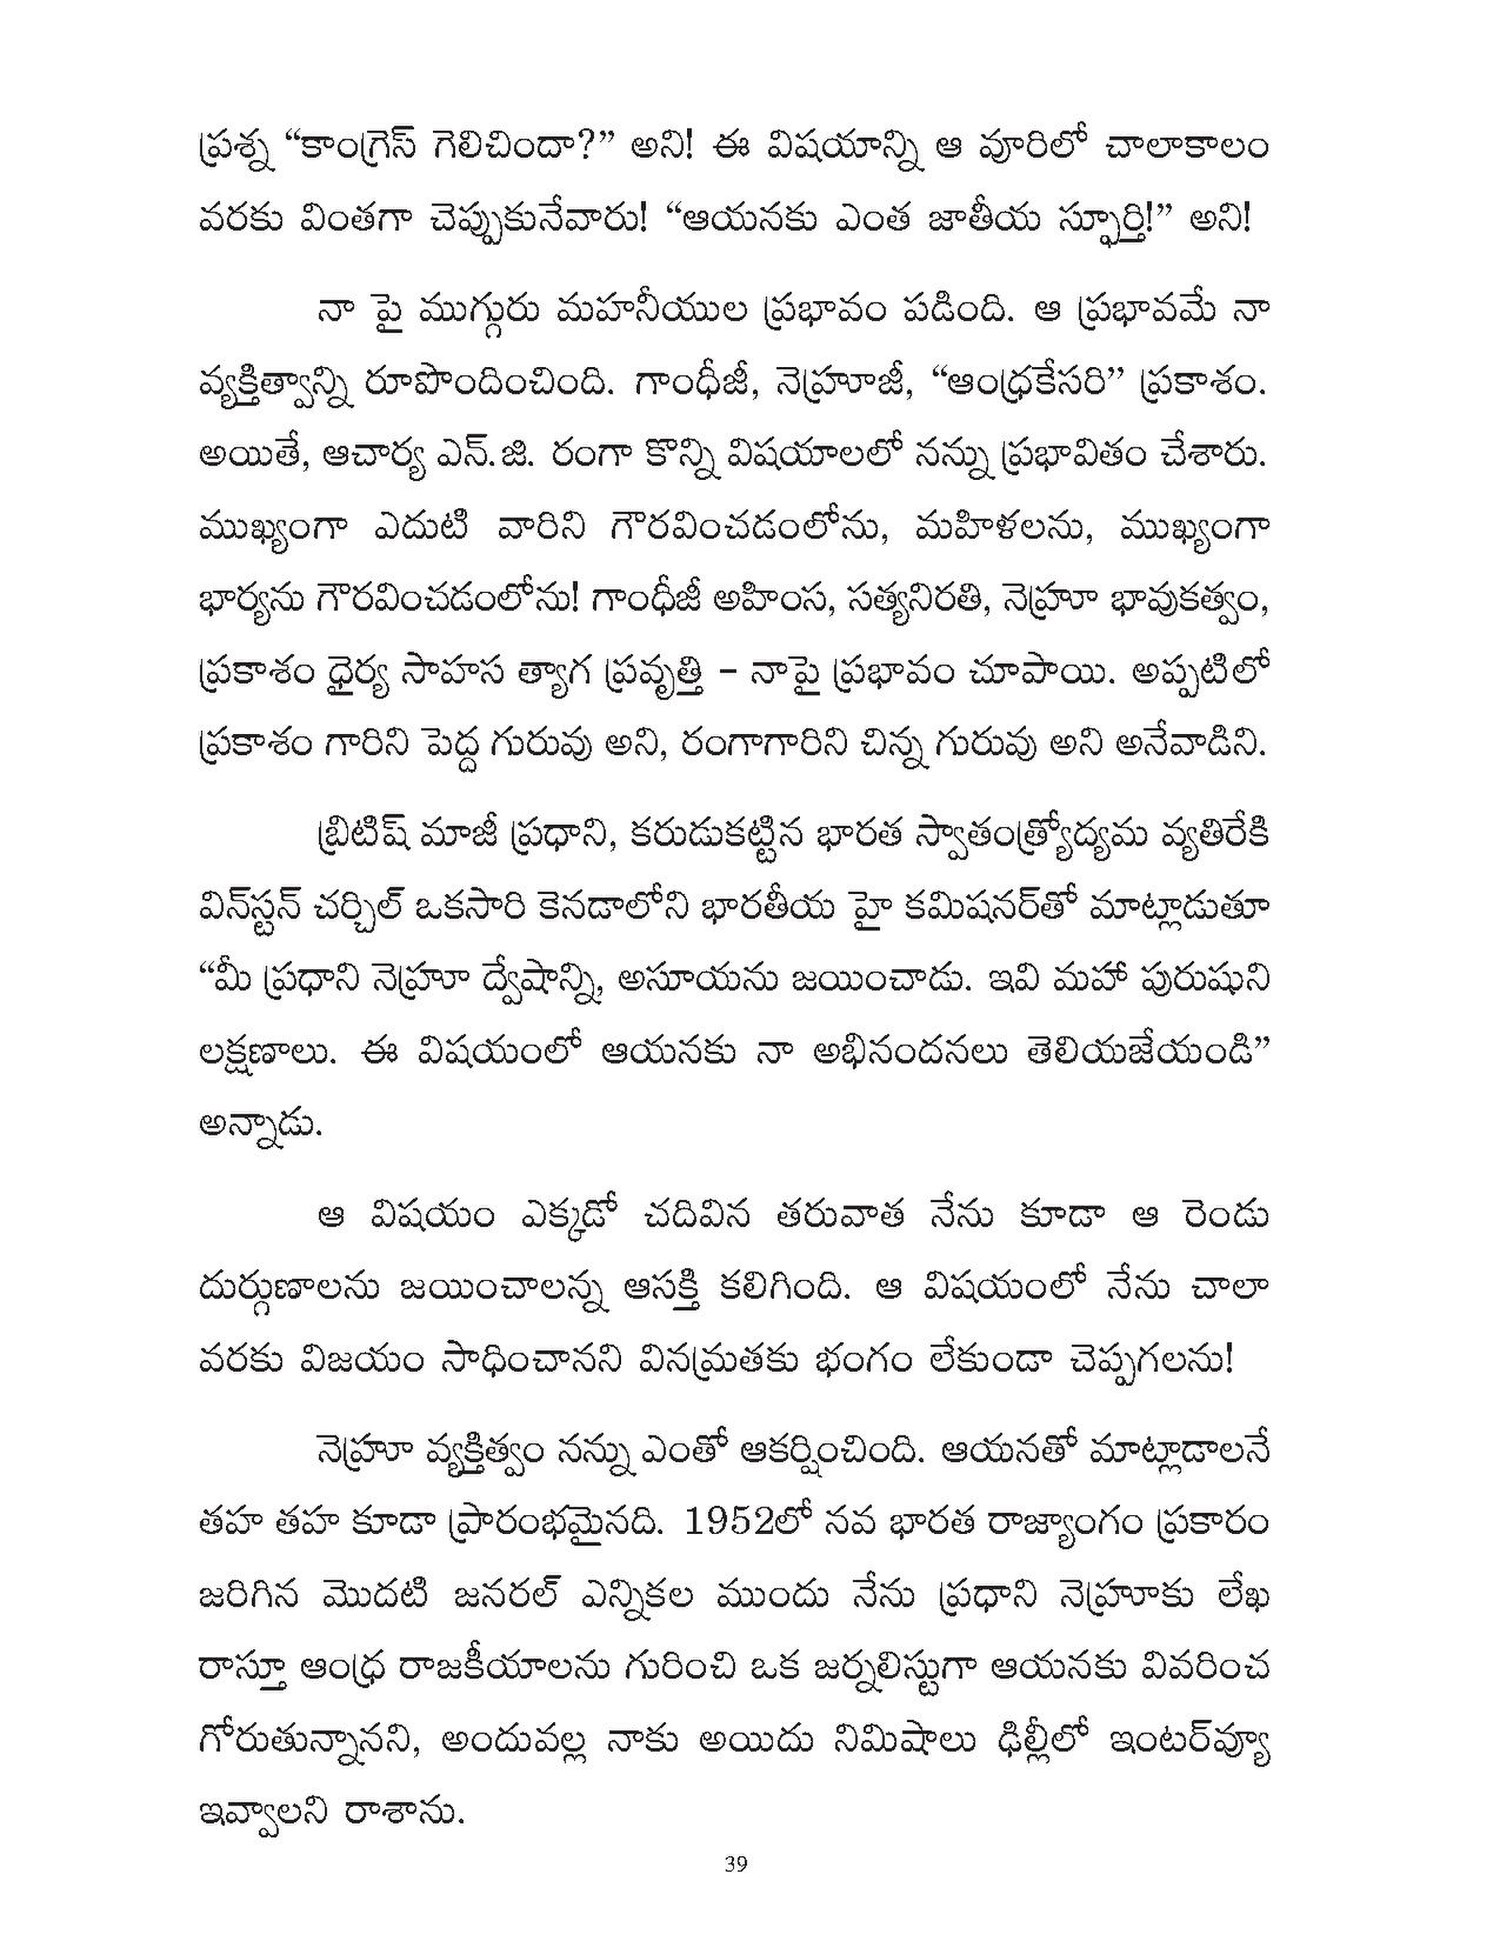ప్రశ్న "కాంగ్రెస్‌ గెలిచిందా?" అని! ఈ విషయాన్ని ఆ వూరిలో చాలాకాలం
వరకు వింతగా చెప్పుకునేవారు! "ఆయనకు ఎంత జాతీయ స్ఫూర్తి!" అని!

నా పై ముగ్గురు మహనీయుల ప్రభావం పడింది. ఆ ప్రభావమే నా
వ్యక్తిత్వాన్ని రూపొందించింది. గాంధీజీ, నెహ్రూజీ, "ఆంధ్రకేసరి" ప్రకాశం.
అయితే, ఆచార్య ఎన్‌.జి. రంగా కొన్ని విషయాలలో నన్ను ప్రభావితం చేశారు.
ముఖ్యంగా ఎదుటి వారిని గౌరవించండంలోను, మహిళలను, ముఖ్యంగా
భార్యను గౌరవించండంలోను! గాంధీజీ అహింస, సత్యనిరతి, నెహ్రూ భావుకత్వం,
ప్రకాశం ధైర్య సాహస త్యాగ ప్రవృత్తి - నాపై ప్రభావం చూపాయి. అప్పటిలో
ప్రకాశం గారిని పెద్ద గురువు అని, రంగాగారిని చిన్న గురువు అని అనేవాడిని.

బ్రిటిష్‌ మాజీ ప్రధాని, కరుడుకట్టిన భారత స్వాతంత్య్రోద్యమ వ్యతిరేకి
విన్‌స్టన్‌ చర్చిల్‌ ఒకసారి కెనడలోని భారతీయ హై కమిషనర్‌తో మాట్లాడుతూ
"మీ ప్రధాని నెహ్రూ ద్వేషాన్ని, అసూయను జయించాడు. ఇవి మహా పురుషుని
లక్షణాలు. ఈ విషయంలో ఆయనకు నా అభినందనలు తెలియజేయండి"
అన్నాడు.

ఆ విషయం ఎక్కడో చదివిన తరువాత నేను కూడా ఆ రెండు
దుర్గుణాలను జయించాలన్న ఆసక్తి కలిగింది. ఆ విషయంలో నేను చాలా
వరకు విజయం సాధించానని వినమ్రతకు భంగం లేకుండా చెప్పగలను!

నెహ్రూ వ్యక్తిత్వం నన్ను ఎంతో ఆకర్షించింది. ఆయనతో మాట్లాడాలనే
తహ తహ కూడా ప్రారంభమైనది. 1952లో నవ భారత రాజ్యాంగం ప్రకారం
జరిగిన మొదటి జనరల్‌ ఎన్నికల ముందు నేను ప్రధాని నెహ్రూకు లేఖ
రాస్తూ ఆంధ్ర రాజకీయాలను గురించి ఒక జర్నలిస్టుగా ఆయనకు వివరించ
గోరుతున్నానని, అందువల్ల నాకు అయిదు నిమిషాలు ఢిల్లీలో ఇంటర్‌వ్యూ
ఇవ్వాలని రాశాను.